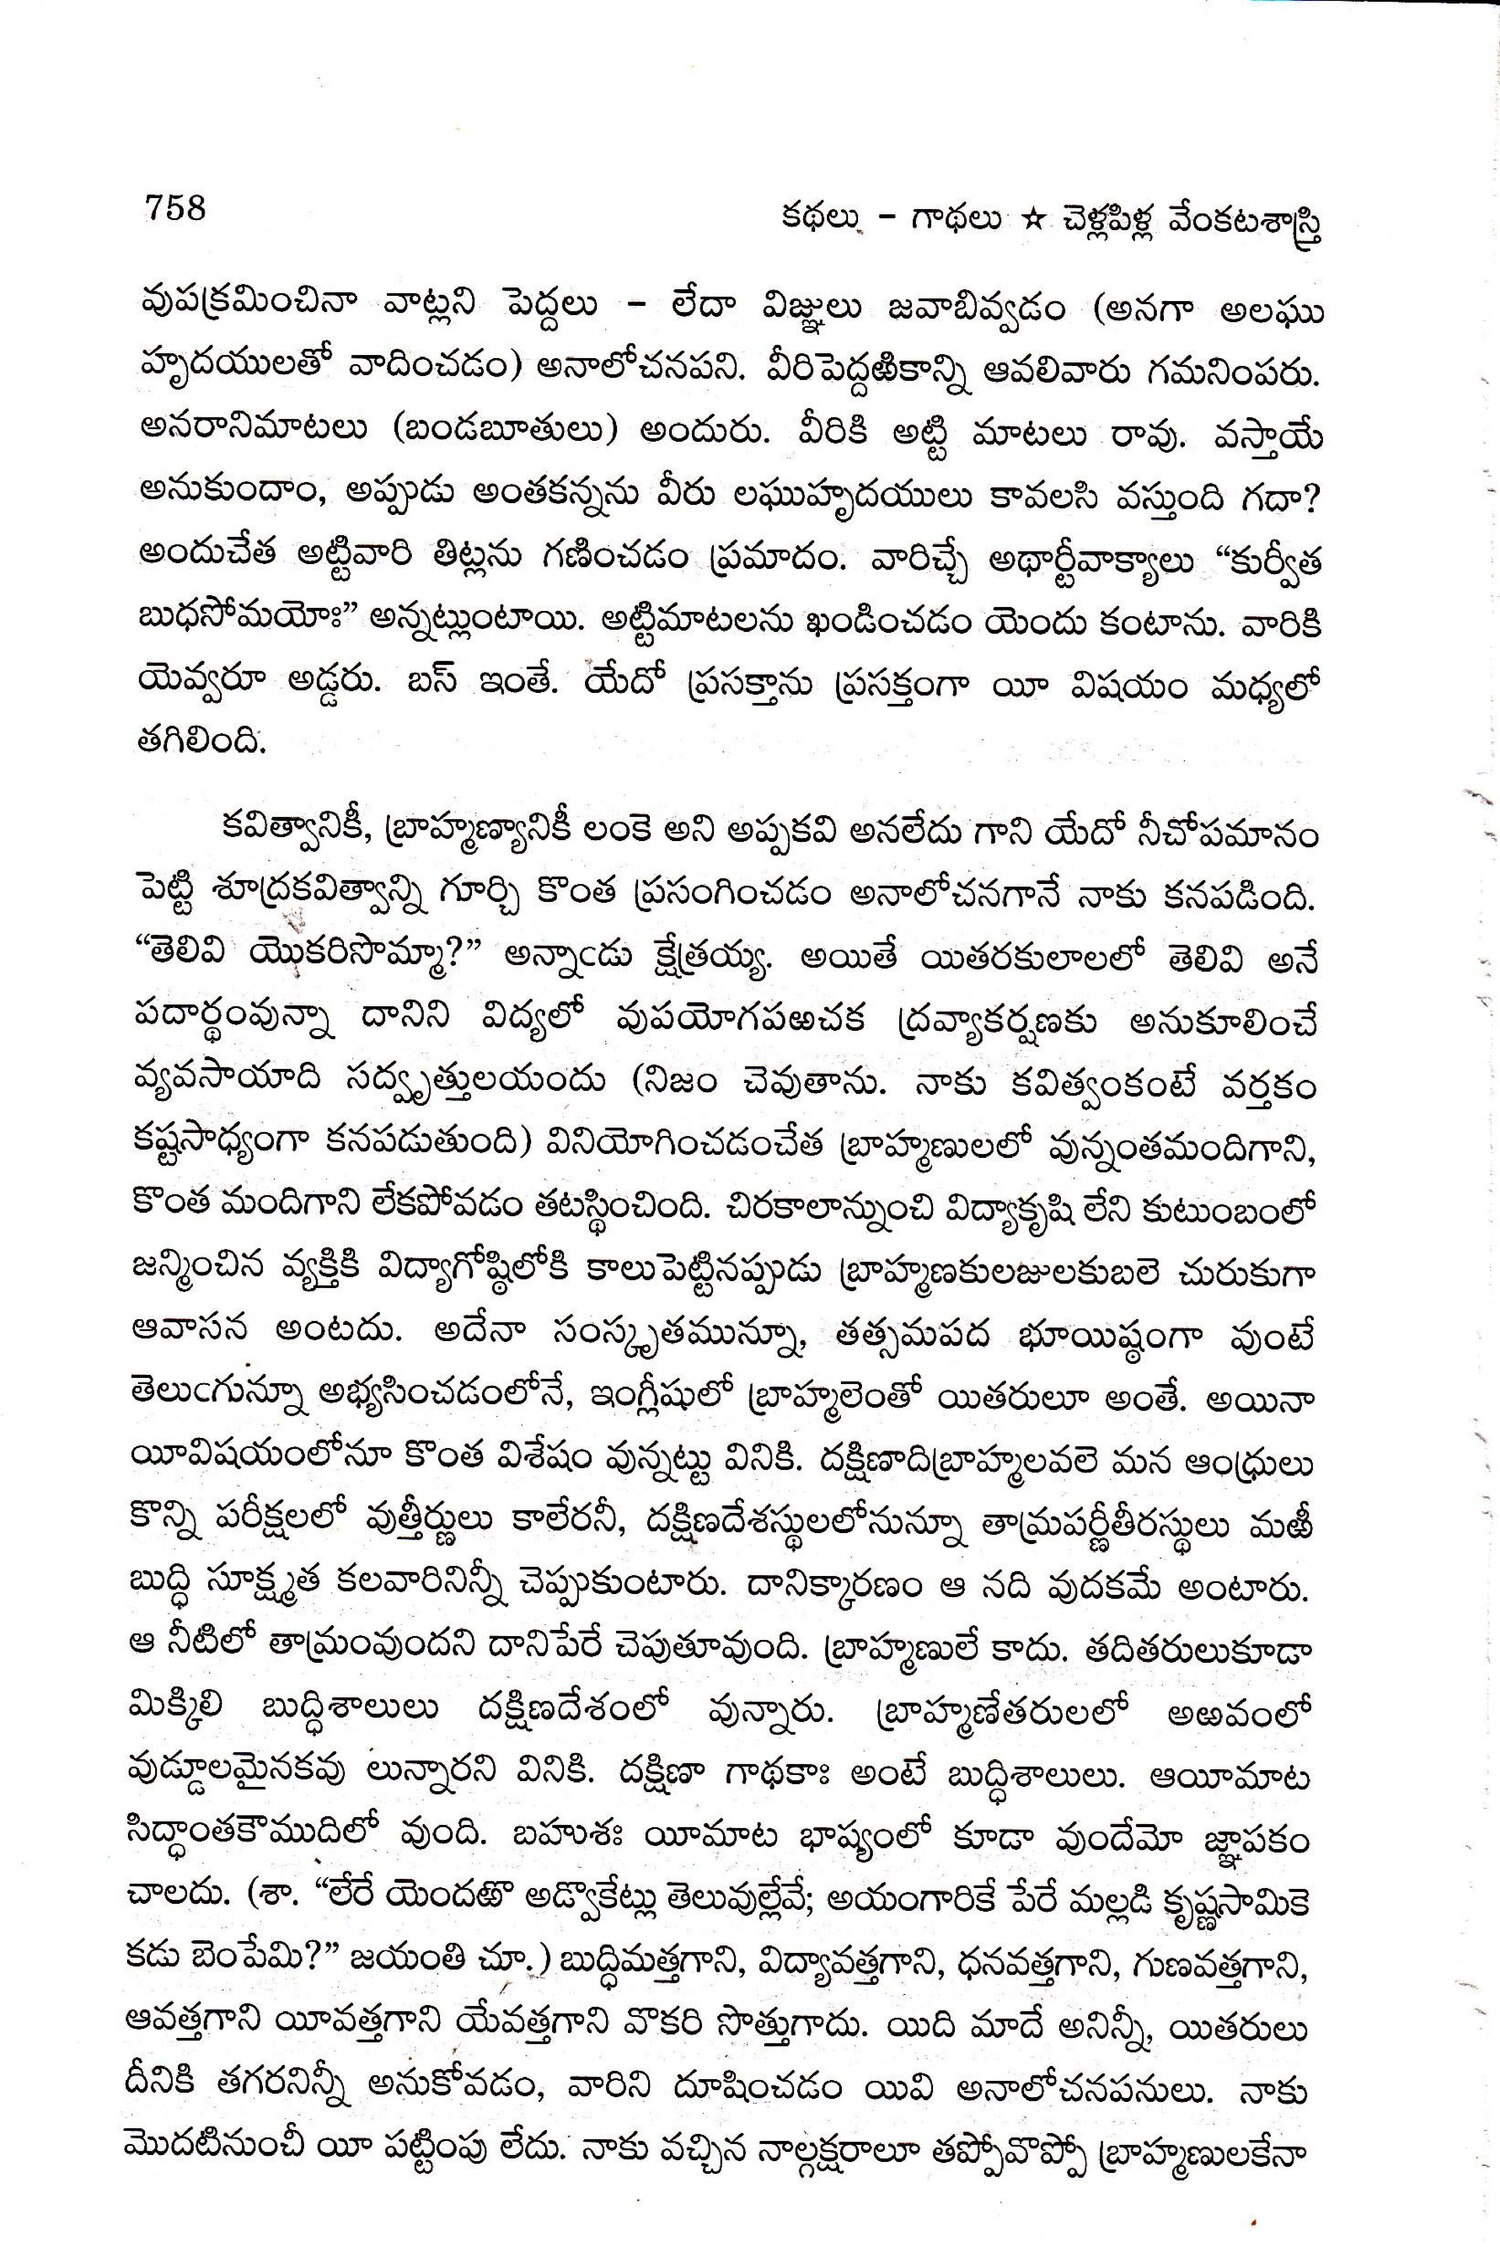వుపక్రమించినా వాట్లని పెద్దలు - లేదా విజ్ఞులు జవాబివ్వడం (అనగా అలఘు హృదయులతో వాదించడం) అనాలోచనపని. వీరిపెద్దఱికాన్ని ఆవలివారు గమనింపరు. అనరానిమాటలు (బండబూతులు) అందురు. వీరికి అట్టి మాటలు రావు. వస్తాయే అనుకుందాం, అప్పుడు అంతకన్నను వీరు లఘుహృదయులు కావలసి వస్తుంది గదా? అందుచేత అట్టివారి తిట్లను గణించడం ప్రమాదం. వారిచ్చే అథార్టీవాక్యాలు “కుర్వీత బుధసోమయోః" అన్నట్లుంటాయి. అట్టిమాటలను ఖండించడం యెందు కంటాను. వారికి యెవ్వరూ అడ్డరు. బస్ ఇంతే. యేదో ప్రసక్తాను ప్రసక్తంగా యీ విషయం మధ్యలో తగిలింది. -

కవిత్వానికీ, బ్రాహ్మణ్యానికీ లంకె అని అప్పకవి అనలేదు గాని యేదో నీచోపమానం పెట్టి శూద్రకవిత్వాన్ని గూర్చి కొంత ప్రసంగించడం అనాలోచనగానే నాకు కనపడింది. "తెలివి యొకరిసొమ్మా" అన్నాఁడు క్షేత్రయ్య అయితే యితరకులాలలో తెలివి అనే పదార్ధంవున్నా దానిని విద్యలో వుపయోగపఱచక ద్రవ్యాకర్షణకు అనుకూలించే వ్యవసాయాది సద్వృత్తులయందు (నిజం చెవుతాను. నాకు కవిత్వంకంటే వర్తకం కష్టసాధ్యంగా కనపడుతుంది) వినియోగించడంచేత బ్రాహ్మణులలో వున్నంతమందిగాని, కొంత మందిగాని లేకపోవడం తటస్థించింది. చిరకాలాన్నుంచి విద్యాకృషి లేని కుటుంబంలో జన్మించిన వ్యక్తికి విద్యాగోష్ఠిలోకి కాలుపెట్టినప్పుడు బ్రాహ్మణకులజులకుబలె చురుకుగా ఆవాసన అంటదు. అదేనా సంస్కృతమున్నూ, తత్సమపద భూయిష్ఠంగా వుంటే తెలుఁగున్నూ అభ్యసించడంలోనే, ఇంగ్లీషులో బ్రాహ్మలెంతో యితరులూ అంతే. అయినా యీవిషయంలోనూ కొంత విశేషం వున్నట్టు వినికి. దక్షిణాది బ్రాహ్మలవలె మన ఆంధ్రులు కొన్ని పరీక్షలలో వుత్తీర్ణులు కాలేరనీ, దక్షిణదేశస్థులలోనున్నూ తామ్రపర్జీతీరస్థులు మఱీ బుద్ధి సూక్ష్మత కలవారినిన్నీ చెప్పుకుంటారు. దానిక్కారణం ఆ నది వుదకమే అంటారు. ఆ నీటిలో తామ్రంవుందని దానిపేరే చెపుతూవుంది. బ్రాహ్మణులే కాదు. తదితరులుకూడా మిక్కిలి బుద్ధిశాలులు దక్షిణదేశంలో వున్నారు. బ్రాహ్మణేతరులలో అఱవంలో వుడ్డూలమైనకవు లున్నారని వినికి. దక్షిణా గాథకాః అంటే బుద్ధిశాలులు. ఆయీమాట సిద్ధాంతకౌముదిలో వుంది. బహుశః యీమాట భాష్యంలో కూడా వుందేమో జ్ఞాపకం చాలదు. (శా. “లేరే యెందఱో అడ్వొకేట్లు తెలువుల్లేవే; అయంగారికే పేరే మల్లడి కృష్ణసామికె కడు బెంపేమి?" జయంతి చూ.) బుద్ధిమత్తగాని, విద్యావత్తగాని, ధనవత్తగాని, గుణవత్తగాని, ఆవత్తగాని యీవత్తగాని యీవత్తగాని వొకరి సొత్తుగాదు. యిది మాదే అనిన్నీ యితరులు దీనికి తగరనిన్నీ అనుకోవడం, వారిని దూషించడం యివి అనాలోచనపనులు. నాకు మొదటినుంచీ యీ పట్టింపు లేదు. నాకు వచ్చిన నాల్గక్షరాలూ తప్పోవొప్పో బ్రాహ్మణులకేనా